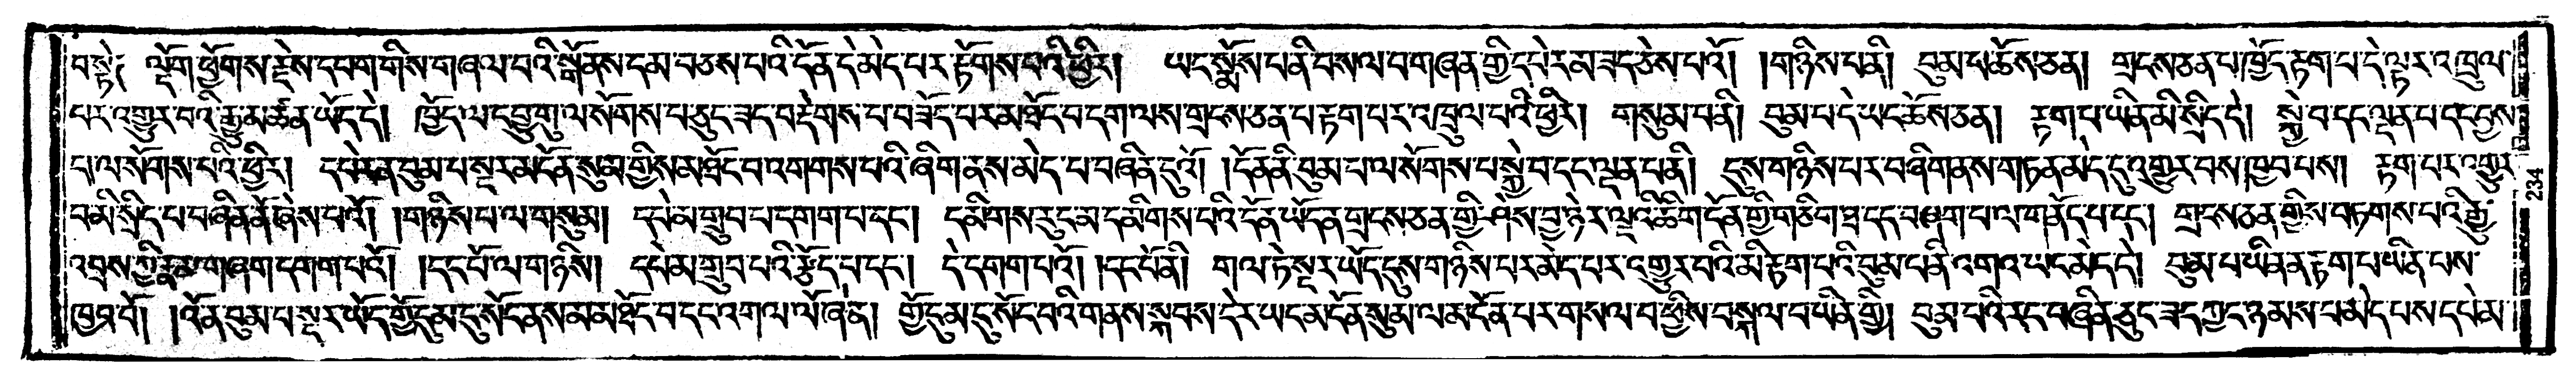བ་སྟེ༑ ལྡོག་ཕྱོགས་རྗེས་དཔག་གིས་གཞལ་བའི་སྒོ་ནས་དམ་བཅས་པའི་དོན་དེ་མེད་པར་རྟོགས་པའི་ཕྱིར། ཡང་སྨོས་པ་ནི་བསལ་བ་གཞན་གྱི་དཔེར་མ་ཟད་ཅེས་པའོ། །གཉིས་པ་ནི། བུམ་པ་ཆོས་ཅན། གྲངས་ཅན་པ་ཁྱོད་རྟག་པ་དེ་ལྟར་འཁྲུལ་
པར་འགྱུར་པའི་རྒྱུ་མཚན་ཡོད་དེ། ཁྱོད་ལ་དབྱུ་གུ་ལ་སོགས་པ་ཅུང་ཟད་བརྡེགས་པ་བཟོད་པར་མཐོང་བ་དག་ལས་གྲངས་ཅན་པ་རྟག་པར་འཁྲུལ་པའི་ཕྱིར། གསུམ་པ་ནི། བུམ་པ་དེ་ཡང་ཆོས་ཅན། རྟག་པ་ཡིན་མི་སྲིད་དེ། སྐྱེ་བ་དང་ལྡན་པ་དང་བྱས་
པ་ལ་སོགས་པའི་ཕྱིར། དཔེར་ན་བུམ་པ་སྔར་མངོན་སུམ་གྱིས་མཐོང་བ་འགགས་པའི་ཞིག་ནས་མེད་པ་བཞིན་དུའོ། །དོན་ནི་བུམ་པ་ལ་སོགས་པ་སྐྱེ་བ་དང་ལྡན་པ་ནི། དུས་གཉིས་པར་བཞིག་ནས་གཏན་མེད་དུ་འགྱུར་བས་ཁྱབ་པས། རྟག་པར་འགྱུར་
བ་མི་སྲིད་པ་བཞིན་ནོ་ཞེས་པའོ། །དང་པོ་ལ་གཉིས། དཔེ་མ་གྲུབ་པའི་རྩོད་པ་དང་། དེ་དགག་པའོ། །དང་པོ་ནི། གལ་ཏེ་སྔར་ཡོད་དུས་གཉིས་པར་མེད་པར་འགྱུར་པའི་མི་རྟག་པའི་བུམ་པ་ནི་འགལ་ཡང་མེད་དེ། བུམ་པ་ཡིན་ན་རྟག་པ་ཡིན་པས་
འབྲས་ཀྱི་རྣམ་གཞག་དགག་པའོ། །དང་པོ་ལ་གཉིས། དཔེ་མ་གྲུབ་པའི་རྩོད་པ་དང་། དེ་དགག་པའོ། །དང་པོ་ནི། གལ་ཏེ་སྔར་ཡོད་དུས་གཉིས་པར་མེད་པར་འགྱུར་པའི་མི་རྟག་པའི་བུམ་པ་ནི་འགའ་ཡང་མེད་དེ། བུམ་པ་ཡིན་ན་རྟག་པ་ཡིན་པས་
ཁྱབ་བོ། །འོ་ན་བུམ་པ་སྔར་ཡོད་གྱོ་དུམ་དུ་སོང་ནས་མ་མཐོང་བ་དང་འགལ་ལོ་ཞེ་ན། གྱོ་དུམ་དུ་སོང་བའི་གནས་སྐབས་དེར་ཡང་མངོན་སུམ་ལ་མངོན་པར་གསལ་བ་ཕྱིས་བསྐལ་བ་ཡིན་གྱི། བུམ་པའི་རང་བཞིན་ཅུང་ཟད་ཀྱང་ཉམས་པ་མེད་པས་དཔེ་མ་